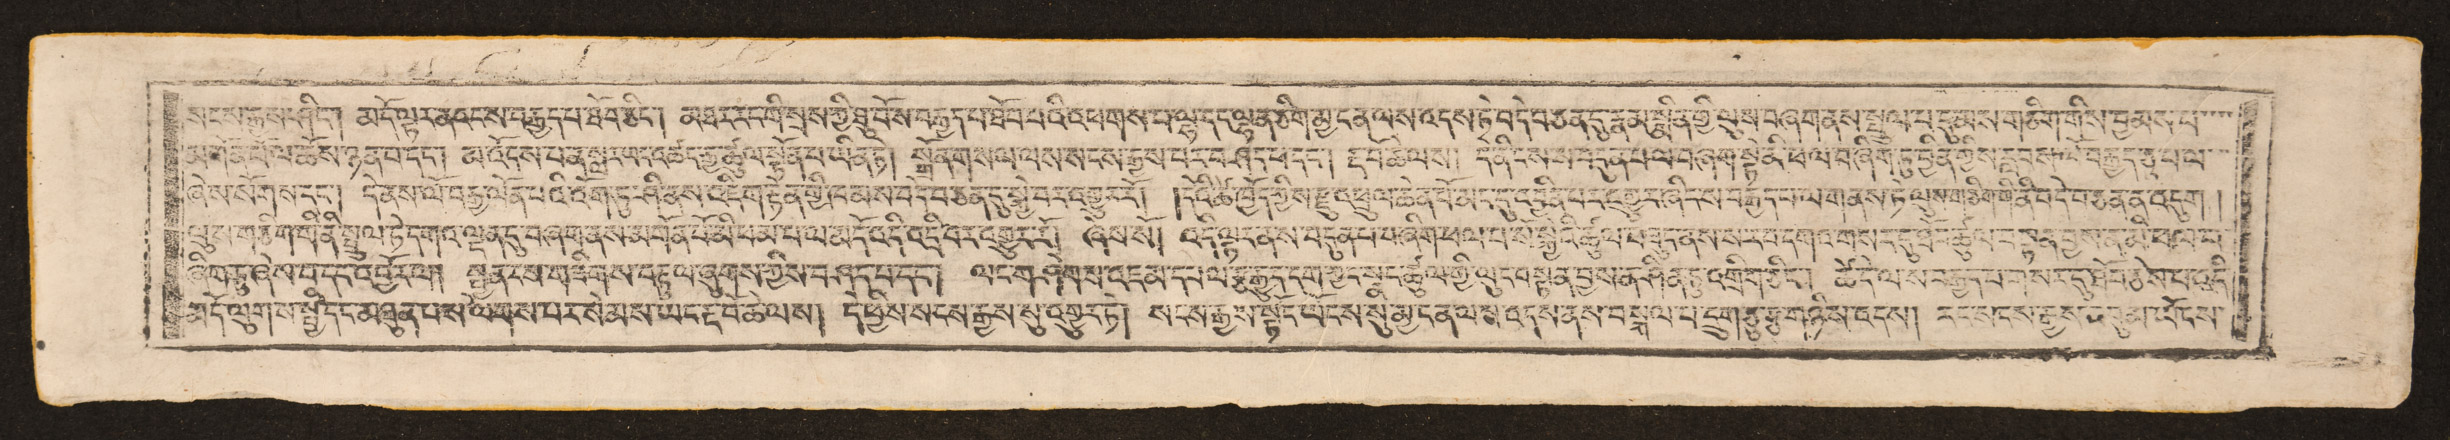སངས་རྒྱས་ཤིང་། མདོ་ལྟར་ནའང་ས་བརྒྱད་པ་ཐོབ་ཅིང་། མཐར་རང་གི་སྲས་ཀྱི་ཐུ་བོས་བརྒྱད་པ་ཐོབ་པའི་འཕགས་པ་ལྷ་དང་ལྷན་ཅིག་མྱ་ངན་ལས་འདས་ཏེ་བདེ་བ་ཅན་དུ་རྣམ་སྨིན་གྱི་ལུས་བཞག་ནས་སྤྲུལ་བ་དུ་མས་གཅིག་གིས་བྱམས་པ་
མགོན་པོ་ལ་ཆོས་ཉན་པ་དང་། མ་འོངས་པ་ན་སླར་ཡང་འཚད་རྒྱ་ཚུལ་སྟོན་པ་ཡིན་ཏེ། སྒྲོན་གསལ་ལས་སངས་རྒྱས་བར་བཤད་པ་དང་། རྔ་བོ་ཆེ་ལས། དེ་ནི་ངས་ས་བདུན་པ་ལ་བཞག་སྟེ་མི་ཕལ་བཞིག་ཏུ་བྱིན་གྱིས་རླབས་ལོ་བརྒྱད་ཅུ་པ་ལ་
ཞེས་སོགས་དང་། དེ་ནས་ལོ་བརྒྱ་ལོན་པའི་འོག་ཏུ་ཤི་ནས་འཇིག་རྟེན་གྱི་ཁམས་བདེ་བ་ཅན་དུ་སྐྱེ་བར་འགྱུར་རོ། །དེའི་ཚེ་ཁྱོད་ཀྱིས་རྫུ་འཕྲུལ་ཆེན་པོ་མང་དུ་འབྱིན་པར་འགྱུར་ཞིངས་བརྒྱད་པ་ལ་གནས་ཏེ་ལུས་གཅིག་གི་ནི་བདེ་བ་ཅན་ན་འདུག།
ལུས་གཅིག་གི་ནི་སྤྲུལ་ཏེ་དགའ་ལྡན་དུ་བཞག་ནས་མགོན་པོ་མི་ཕམ་པ་ལ་མདོ་འདི་འདྲི་བར་འགྱུར་རོ། ཞེས་སོ། འདི་ལྟར་ནས་བདུན་པ་བཞིག་ཕལ་བ་སོ་སྐྱེའི་ཚུལ་བཟུང་ནས་ས་རབ་དགའ་གསར་དུ་ཐོབ་ཚུལ་བསྟན་བྱས་ན་མི་ཕལ་བ་
ཞིག་ཏུ་ཞེས་པ་དང་འབྱོར་ལ། སྦྱན་རས་གཟིགས་བརྟུལ་ཞུགས་ཀྱིས་བཤད་པ་དང་། ལང་གཤེགས་འཇམ་དཔལ་རྩ་རྒྱུད་དག་ཀྱང་སྣང་ཚུལ་གྱི་ལུང་བསྟན་བྱས་ན་ཤིན་ཏུ་འགྲིག་ཅིང་། ཚེ་དེ་ལས་བརྒྱད་པ་གསར་དུ་ཐོབ་ཅེས་པ་འདི་
མདོ་ལུགས་སྤྱི་དང་མཐུན་པས་ལེགས་པར་སེམས་ཡང་རྔ་བོ་ཆེ་ལས། དེ་ཕྱིས་སངས་རྒྱས་སུ་འགྱུར་ཏེ། སངས་རྒྱས་སྟོང་ཡོངས་སུ་མྱ་ངན་ལས་འདས་ནས་བསྐལ་པ་དྲུག་ཅུ་རྩ་གཉིས་འདས། རང་སངས་རྒྱས་འབུམ་ཡོངས་